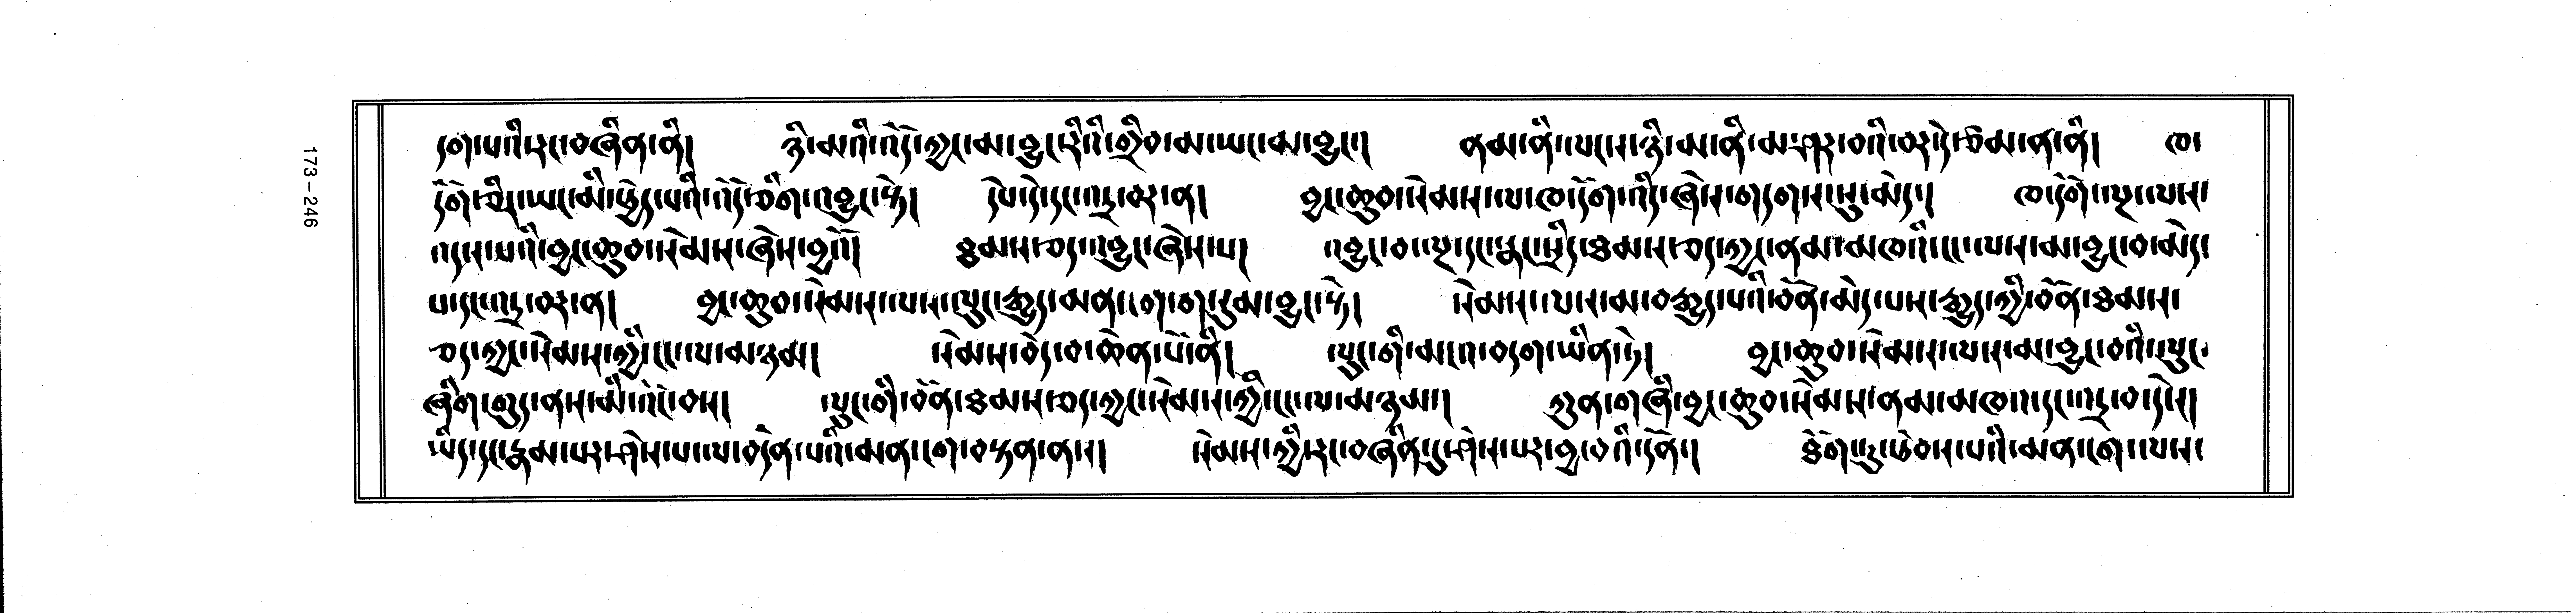དག་པའི་རང་བཞིན་ནི། ཉི་མའི་འོད་ཀྱང་མ་བྱུང་རིའི་གྲིབ་པ་མ་ཡང་མ་བྱུང་། ནམ་ནི་ལངས་ཉི་མ་ནི་མ་ཤར་བའི་བར་དེ་ཙམ་ན་ནི། ཁ་
དོག་ཅིར་ཡང་མི་ཕྱེད་པའི་འོད་ཅིག་འབྱུང་སྟེ། དཔེ་དེ་དང་འདྲ་བར་ན། བྱང་ཆུབ་སེམས་ལ་ཁ་དོག་འདི་ཞེས་གདགས་སུ་མེད། ཁ་དོག་ལྔ་ལས་
འདས་པའི་བྱང་ཆུབ་སེམས་ཞེས་བྱའོ། །ཐམས་ཅད་འབྱུང་ཞེས་པ། འབྱུང་བ་ལྔ་དང་སྣང་སྲིད་ཐམས་ཅད་ཀྱང་ནམ་མཁའི་ངང་ལས་མ་བྱུང་བ་མེད་
པ་དང་འདྲ་བར་ན། བྱང་ཆུབ་སེམས་ལས་རྒྱུད་ལུང་མན་ངག་གསུམ་བྱུང་སྟེ། སེམས་ལས་མ་བརྒྱུད་པའི་བོན་མེད་པས་རྒྱུད་ཀྱི་བོན་ཐམས་
ཅད་ཀྱང་སེམས་ཀྱི་ངང་ལ་མཉམ། སེམས་བདེ་བ་ཆེན་པོ་ནི། ལུང་གི་མངའ་བདག་ཡིན་ཏེ། བྱང་ཆུབ་སེམས་ལས་མ་བྱུང་བའི་སེམས་
ཞིག་གུད་ནས་མི་འོང་བས། ལུང་གི་བོན་ཐམས་ཅད་ཀྱང་སེམས་ཀྱི་ངང་ལ་མཉམ། ཀུན་གཞི་བྱང་ཆུབ་ཀྱི་སེམས་ནམ་མཁའ་དང་འདྲ་བ་དེས། 
ཡིད་དང་རྣམ་པར་ཤེས་པ་ལ་བདེན་པའི་མན་ངག་བསྟན་ནས། སེམས་ཀྱི་རང་བཞིན་དུ་ཤེས་པར་བྱ་བའི་དོན། ཐོག་ཏུ་ཕེབས་པའི་མན་ངག་ལས།